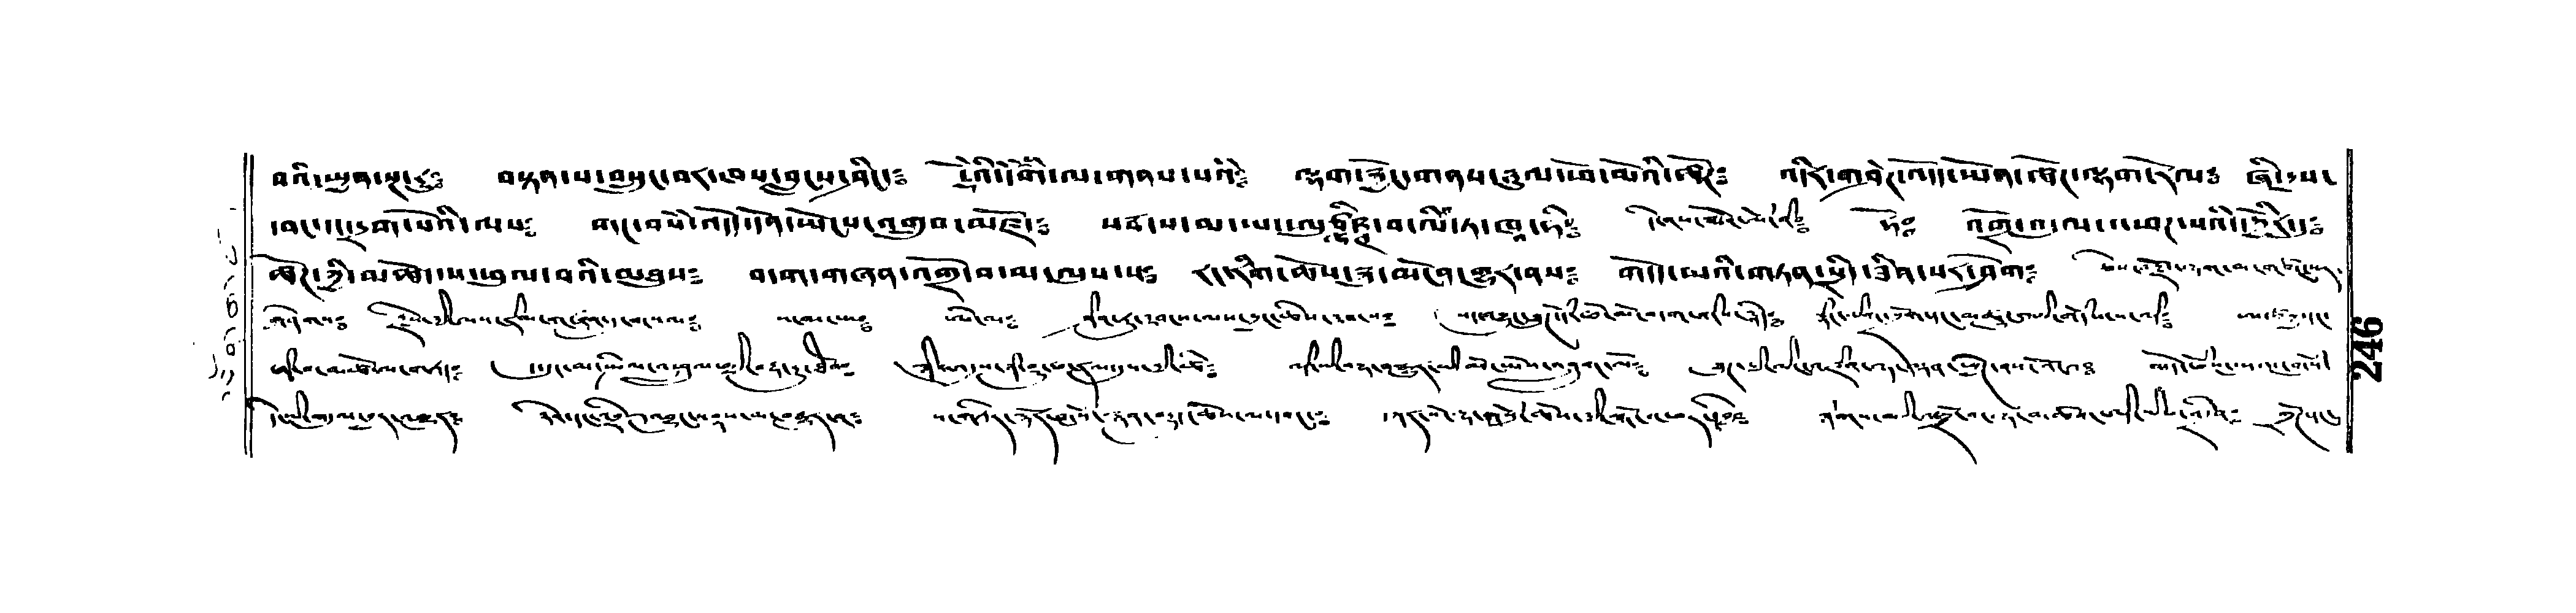བའི་སྤྱན་སྔ་རུ༔ བསྟན་པ་བསྲུང་བར་ཁས་བླངས་ཤིང༔ རྡོ་རྗེའི་དམ་ཚིག་ལ་གནས་པའི༔ ལྷག་སྐྱོང་གནས་ཉུལ་ཕོ་མོའི་ཚོགས༔ འདིར་གཤེགས་འདོད་ཡོན་ཚོགས་ལྷག་རོལ༔ ཞི་རྒྱས་
དབང་དང་དྲག་པོའི་ལས༔ གང་བསམ་འདོད་དོན་ཡོངས་འགྲུབ་མཛོད༔ སརྦ་ས་མ་ཡ་ཨུཙྪིཥྚ་བ་ལིཾ་ཏ་ཁཱ་ཧི༔ དེ་ནས་སྨོན་ལམ་ནི༔ ཧོཿ འགྲོ་འདུལ་འཕགས་པའི་དཀྱིལ་འཁོར་དུ༔ 
ཚོགས་ཀྱི་མཆོད་པ་ཕུལ་བའི་མཐུས༔ བདག་གཞན་འགྲོ་བ་མ་ལུས་པ༔ རང་རིག་ཆོས་སྐུ་མངོན་གྱུར་ནས༔ གདོད་མའི་གཏན་སྲིད་ཟིན་པར་ཤོག༔ ཅེས་བརྗོད་ལྷག་མ་གཙང་སར་
གཤེགས༔ རྗེས་ཀྱི་ལས་རིམ་གཞན་དུ་གསལ༔ ས་མ་ཡ༔ ཨེ་མ༔ ཤིན་ཏུ་ཟབ་པ་ལས་ཀྱང་ཆེས་ཟབ་པ༔ པད་འབྱུང་ཐུགས་དམ་ཁོ་མོ་བདག་གིས་རྙེད༔ སྙིང་མིག་སྲོག་དང་མཆུངས་པའི་གདམས་པ་འདི༔ ཨ་ཙརྻ་དང་
ཞི་བ་མཚོ་ལ་གཏད༔ ད་དུང་མ་སྤེལ་འཕྲུལ་གྱི་བརྡ་རུ་ཐོབ༔ སྙིགས་འདུས་ཉི་ཤུ་ཁ་རལ་དུས་ཀྱི་ཚེ༔ འདི་ཡི་བརྡ་བསྒྱུར་མི་མོ་ཡོས་འབྲུག་ལོ༔ ཐུགས་ཀྱི་མིང་འཛིན་ལྷ་ལྡན་ཕྱོགས་ནས་འོང༔ མདོ་ཁམས་ཡུལ་གསུམ་
དེ་ཡི་གདུལ་བྱར་འགྱུར༔ རྟེན་དང་འབྲེལ་འབྱུང་སཔྡས་མ་བསྒྱུར་ན༔ ས་གཏེར་སྐོར་གསུམ་སྙན་བརྒྱུད་ཆོས་ལ་དབང༔ དཀར་པོ་ལྷ་གསུམ་ཆོས་ཀྱི་སྒོ་འཕར་དབྱེ༔ སྙིགས་མའི་འགྲོ་བ་ལྷ་མཆོག་འདི་ཡིས་འདྲེན༔གྲོགས་དང་